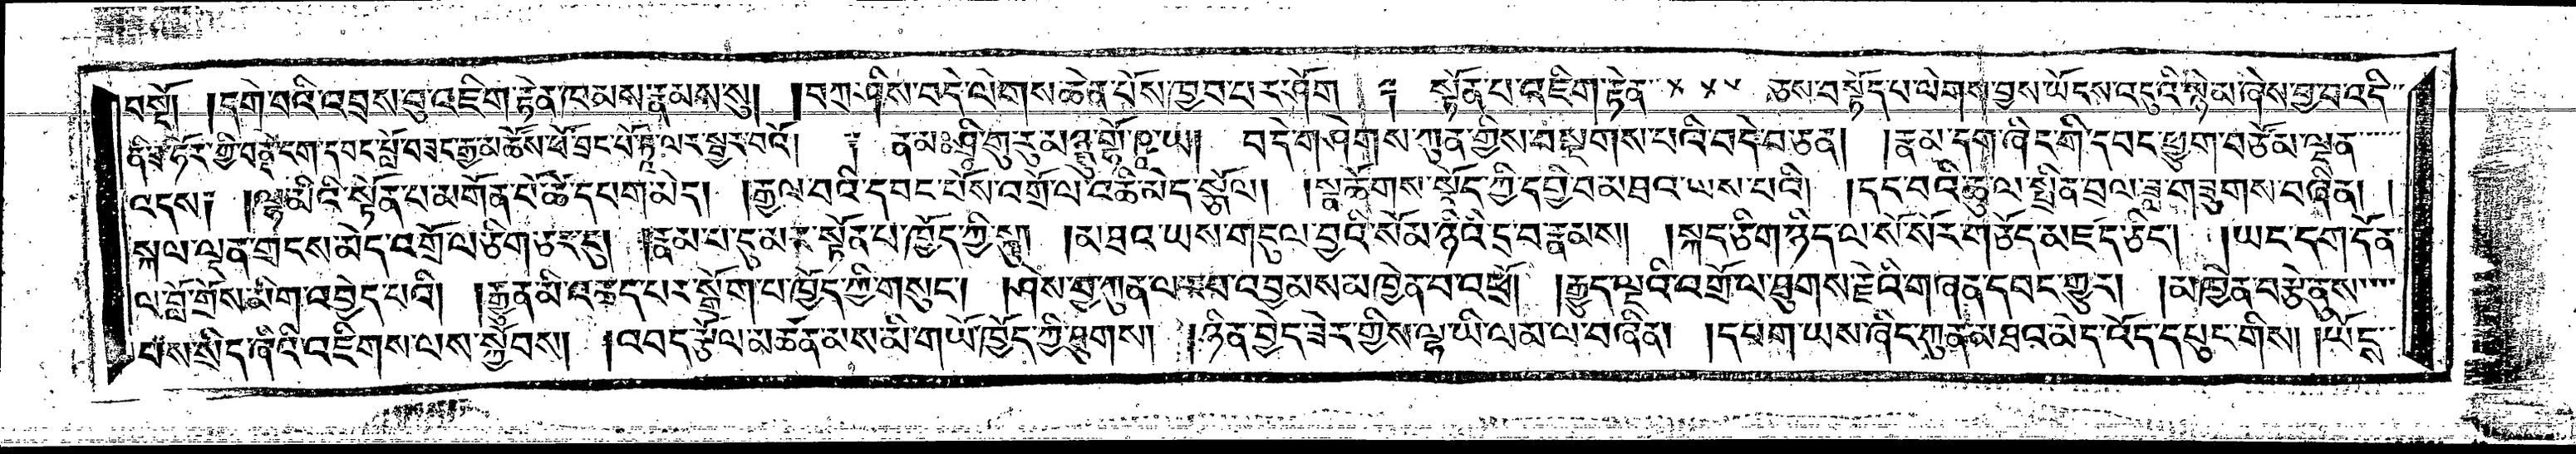བསྔོ། །དགེ་བའི་འབྲས་བུ་འཇིག་རྟེན་ཁམས་རྣམས་སུ། །བཀྲ་ཤིས་བདེ་ལེགས་ཆེན་པོས་ཁྱབ་པར་ཤོག ༈ སྟོན་པ་འཇིག་རྟེན་{྾་྾་྾}་ཅས་བསྟོད་པ་ལེགས་བྱས་ཡོངས་འདུའི་སྙེ་མ་ཞེས་བྱ་བ་འདི་
ནི་ཟ་ཧོར་གྱི་བནྡེ་ངག་དབང་བློ་བཟང་རྒྱ་མཚོས་ཕོ་བྲང་པོ་ཏཱ་ལར་སྦྱར་བའོ། ༈ ན་མཿ ཤྲཱི་གུ་རུ་མཉྫུ་གྷོ་ཥཱ་ཡ། བདེ་གཤེགས་ཀུན་གྱིས་བསྔགས་པའི་བདེ་བ་ཅན། །རྣམ་དག་ཞིང་གི་དབང་ཕྱུག་བཅོམ་ལྡན་
འདས༑ །ལྷ་མིའི་སྟོན་པ་མགོན་པོ་ཚེ་དཔག་མེད། །རྒྱལ་བའི་དབང་པོས་འགྲོ་ལ་འཆི་མེད་སྩོལ། །སྣ་ཚོགས་སྣོད་ཀྱི་དབྱེ་བ་མཐའ་ཡས་པའི། །དང་བའི་ཆུ་ལ་སྤྲིན་བྲལ་ཟླ་གཟུགས་བཞིན། །
སྐལ་ལྡན་གྲངས་མེད་འགྲོ་ལ་ཅིག་ཅར་དུ། །རྣམ་པ་དུ་མར་སྟོན་པ་ཁྱོད་ཀྱི་སྐུ། །མཐའ་ཡས་གདུལ་བྱའི་སོམ་ཉིའི་དྲ་བ་རྣམས། །སྐད་ཅིག་ཉིད་ལ་སོ་སོར་གཅོད་མཛད་ཅིང་། །ཡང་དག་དོན་
ལ་བློ་གྲོས་མིག་འབྱེད་པའི། །རྒྱུན་མི་འཆད་པར་སྒྲོག་པ་ཁྱོད་ཀྱི་གསུང་། །ཤེས་བྱ་ཀུན་ལ་རབ་འབྱམས་མཁྱེན་པ་འཕྲོ། །རྒྱུད་ལྔའི་འགྲོ་ལ་ཐུགས་རྗེའི་གཞན་དབང་གྱུར། །མཁྱེན་བརྩེ་ནུས་
པས་སྲིད་ཞིའི་འཇིགས་ལས་སྐྱོབས། །འབད་རྩོལ་མཚན་མས་མི་གཡོ་ཁྱོད་ཀྱི་ཐུགས། །ཉིན་བྱེད་ཟེར་གྱིས་ལྷ་ཡི་ལམ་ལ་བཞིན། །དཔག་ཡས་ཞིང་ཀུན་མཐའ་མེད་འོད་དཔུང་གིས། །ཡོངས་